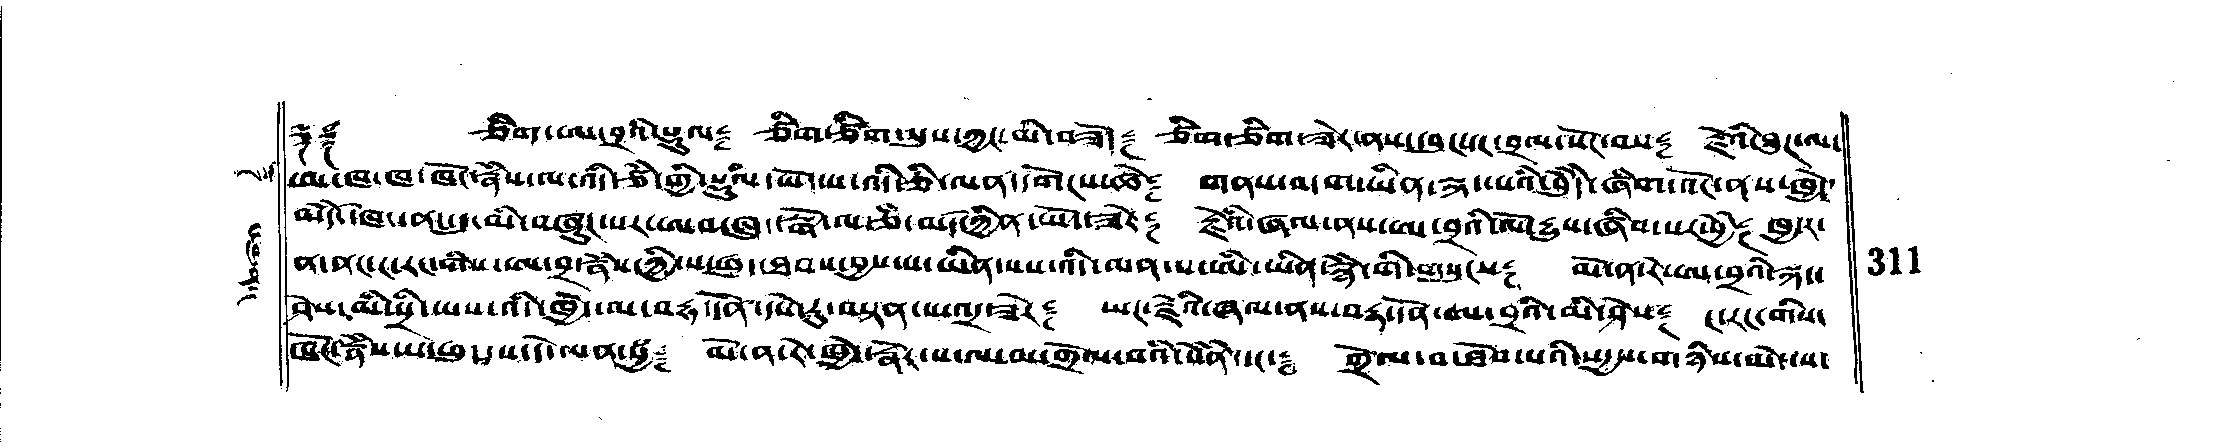ཙིག་ཨ་བྲའི་སྡུག་བསྔལ། །ཙིག་ཙིག་སུས་ཀྱང་མི་བཟོད། །ཙིག་ཙིག་ཟེར་ནས་དབུགས་དང་བྲལ་སོང་བས། རྗེའི་ཐུགས་ལ་
ཨ་ཁ་ཁ་ཁོང་རྣམས་ལ་འདི་ཙམ་གྱི་སྡུག་བསྔལ་ཡོད་པ་འདི་ཅི་ལན་དགོངས་ཚེ། གནས་བདག་ཡིན་སྐད་པའི་བུད་མེད་ཞིག་འོང་ནས་ཁྱེད་
མཚམས་ཁང་ནང་དུ་མི་བཞུགས་པར་ཨབ་ཁུང་སྒོ་ལ་ཅི་མཛད་ཀྱིན་ཡོད་ཟེར། རྗེའི་ཞལ་ནས་ཨ་བྲའི་ལོ་རྒྱུས་ཞིབ་པར་གསུངས།ཁྱད་པར་
ན་ནང་ང་རང་གིས་ཨ་བྲ་རྣམས་ཀྱི་ས་ཕུད་ཐབས་བྱས་པ་ཡིན་པས་འདི་ལན་པ་ཨི་ཡིན་སྙམ་གྱི་གསུངས། མོ་ན་རེ་ཨ་བྲའི་སྐད་
ཤེས་མི་སྲིད་པས་འདི་ཁྱེད་ལ་བརྡ་དོན་དཔེ་རུ་བསྟན་པ་འདྲ་ཟེར། ཡང་རྗེའི་ཞལ་ནས་བརྡ་དོན་ཨ་བྲའི་མི་ཤེས། ང་རང་གིས་
ཁོང་རྣམས་ས་ཕུད་པ་དེ་ལན་གསུངས། མོ་ན་རེ་ཁྱེད་རྣལ་འབྱོར་པ་ལ་མ་གྲོལ་བའི་སེམས་ཅན་དང་། གྲོལ་བ་ཐོབ་པའི་སངས་རྒྱས་གཉིས་མེད་པ་